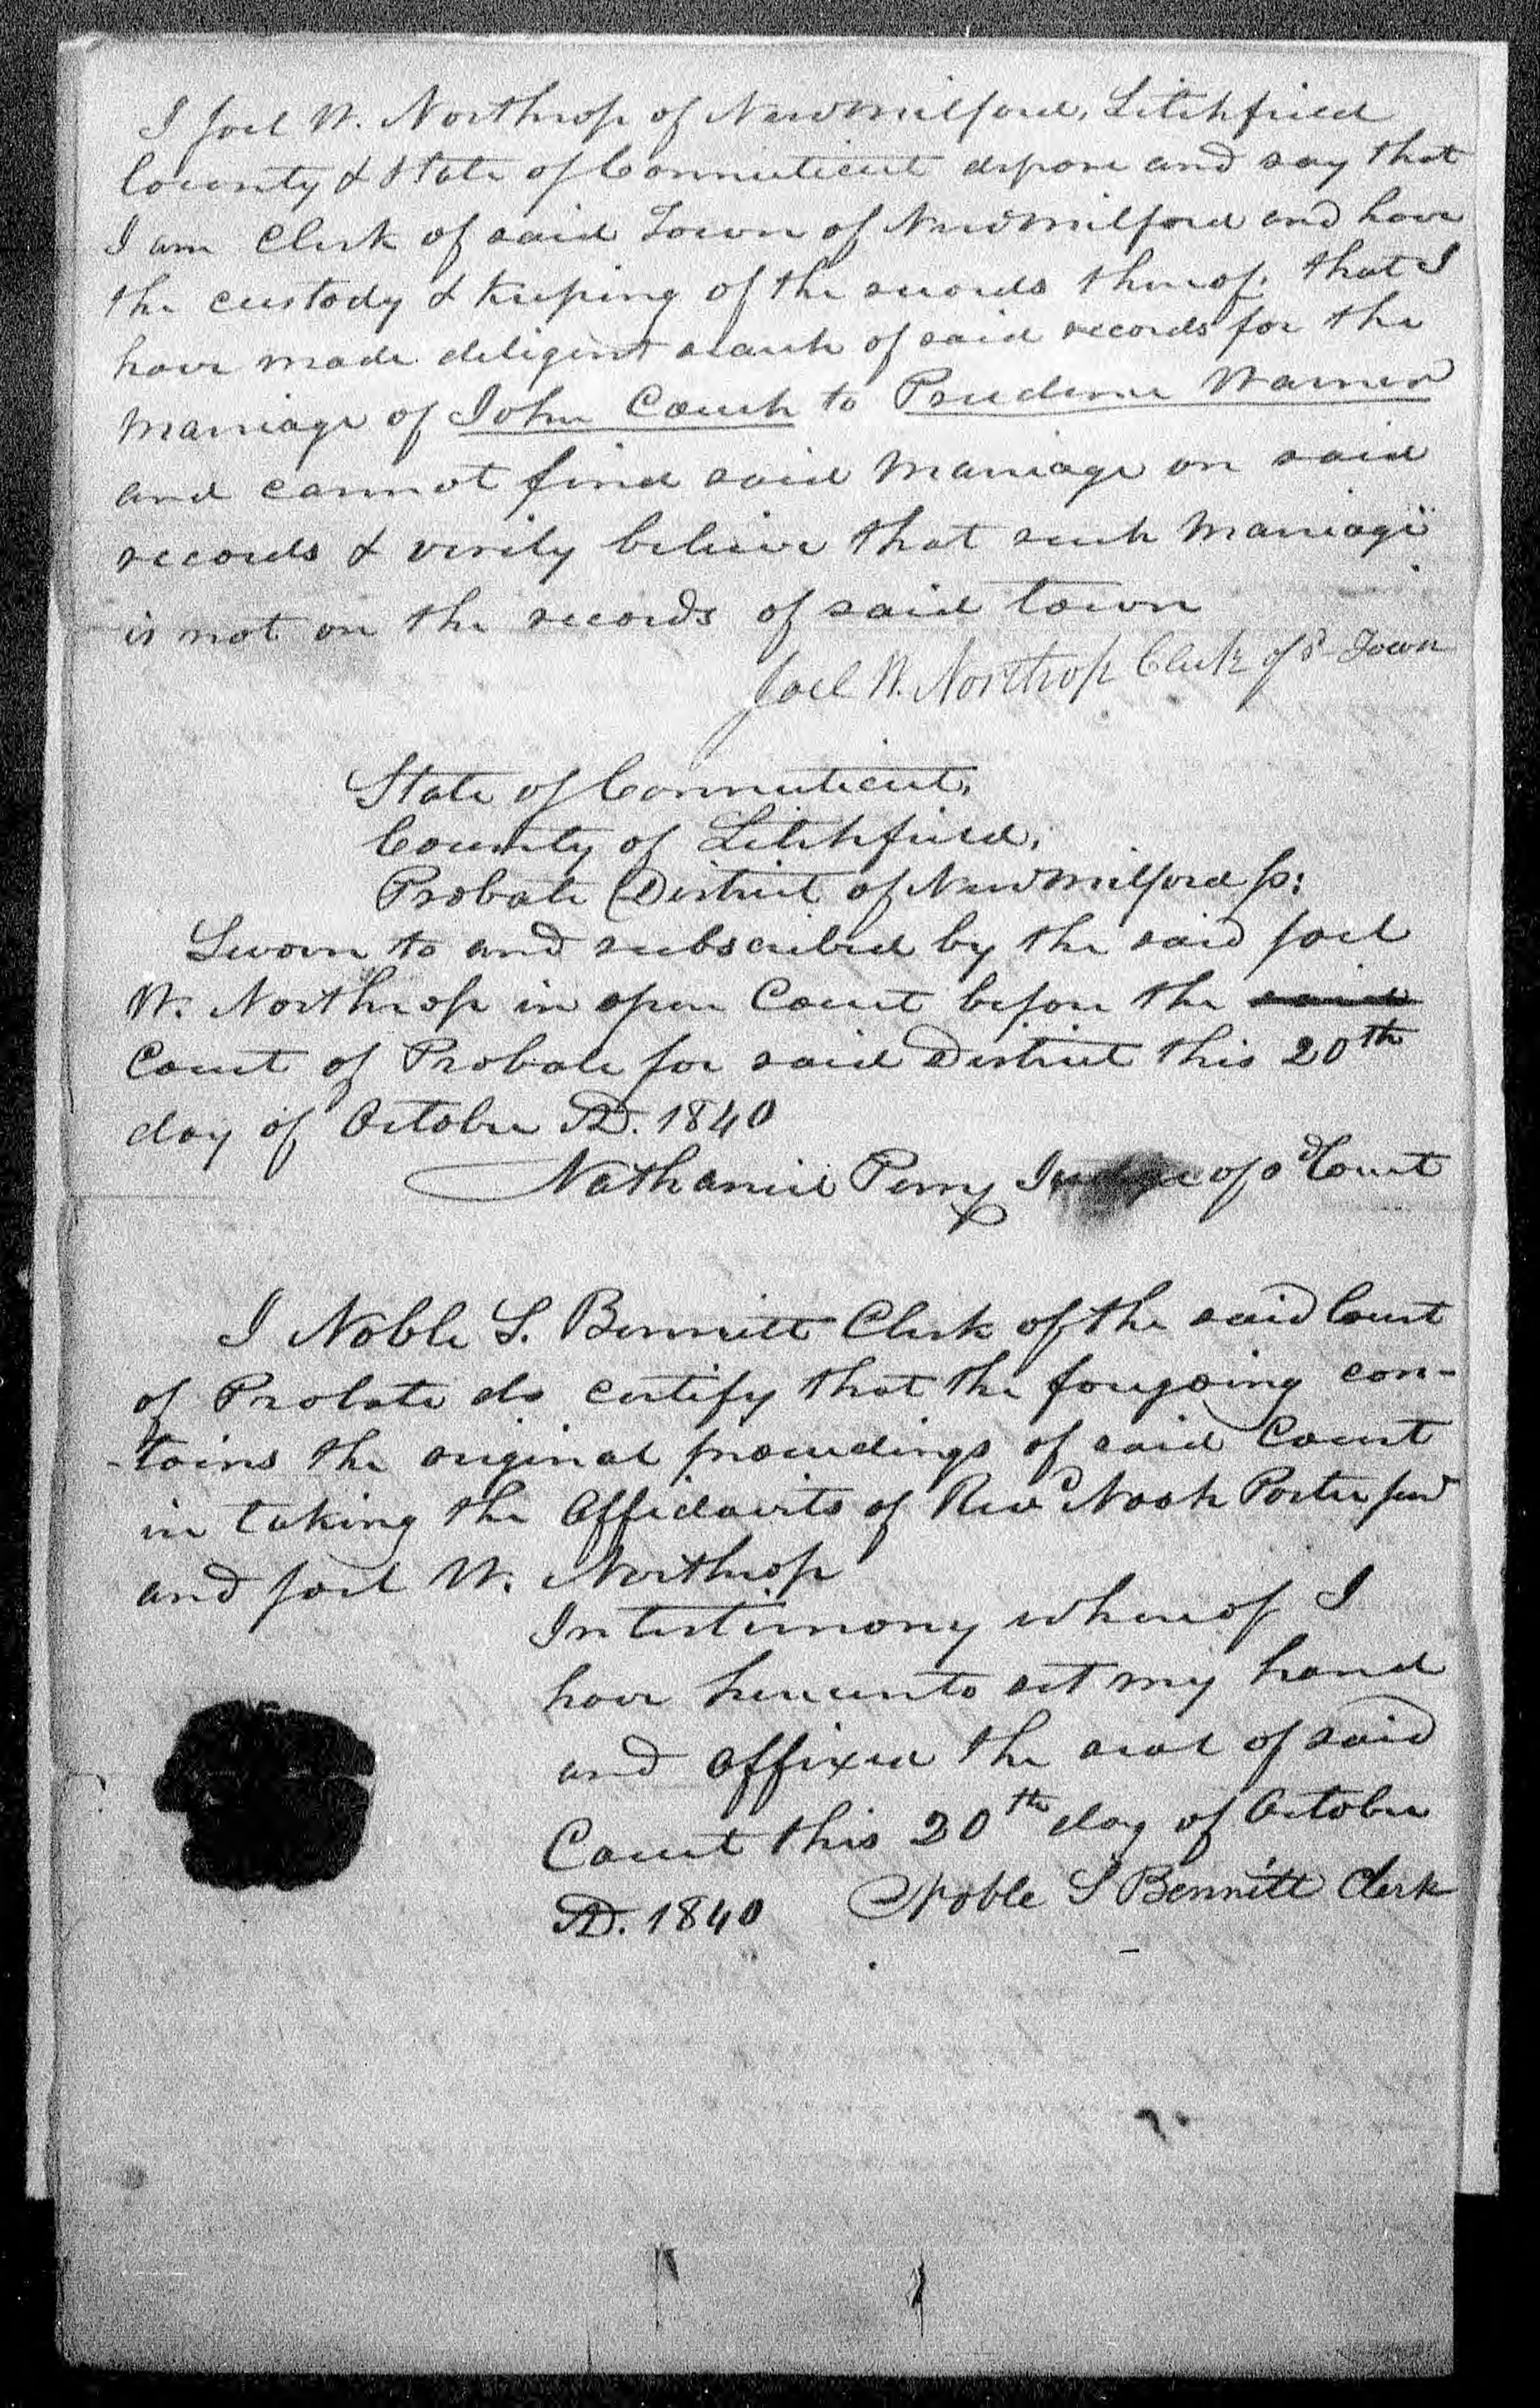I Joel W. Northrop of New Milford, Litchfield County & State of Connecticut depose and say that I am Clerk of said Town of New Milford and have the custody & keeping of the records thereof, that I have made diligent search of said records for the marriage of John Couch to Prudence Warner and cannot find said marriage on said records & verily believe that such marriage is not on the records of said town.
Joel W Northrop Clerk of sd Town

State of Connecticut
County of Litchfield
Probate District of New Milford ss:
Sworn to and subscribed by the said Joel W. Northrop in open Court before the Court of Probate for said District this 20th day of October AD 1840
Nathaniel Perry Judge of sd Court

I Noble S. Bennett Clerk of the said Court of Probate do certify that the foregoing contains the original proceedings of said Court in taking the affidavits of Revd Noah Porter Junr and Joel W. Northrop.
In testimony whereof I have hereunto set my hand and affixed the seal of said Court this 20th day of October AD 1840
Noble S Bennett Clerk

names: Joel W Northrop, Joel W Northrop, Noah Porter, Joel W Northrop, Noble S Bennitt, Noble S Bennitt, John Couch, Nathaniel Perry, Joel W Northrop, Prudence Warner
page: 11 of 68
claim: rejected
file: R. 2,360, John Couch, Conn.